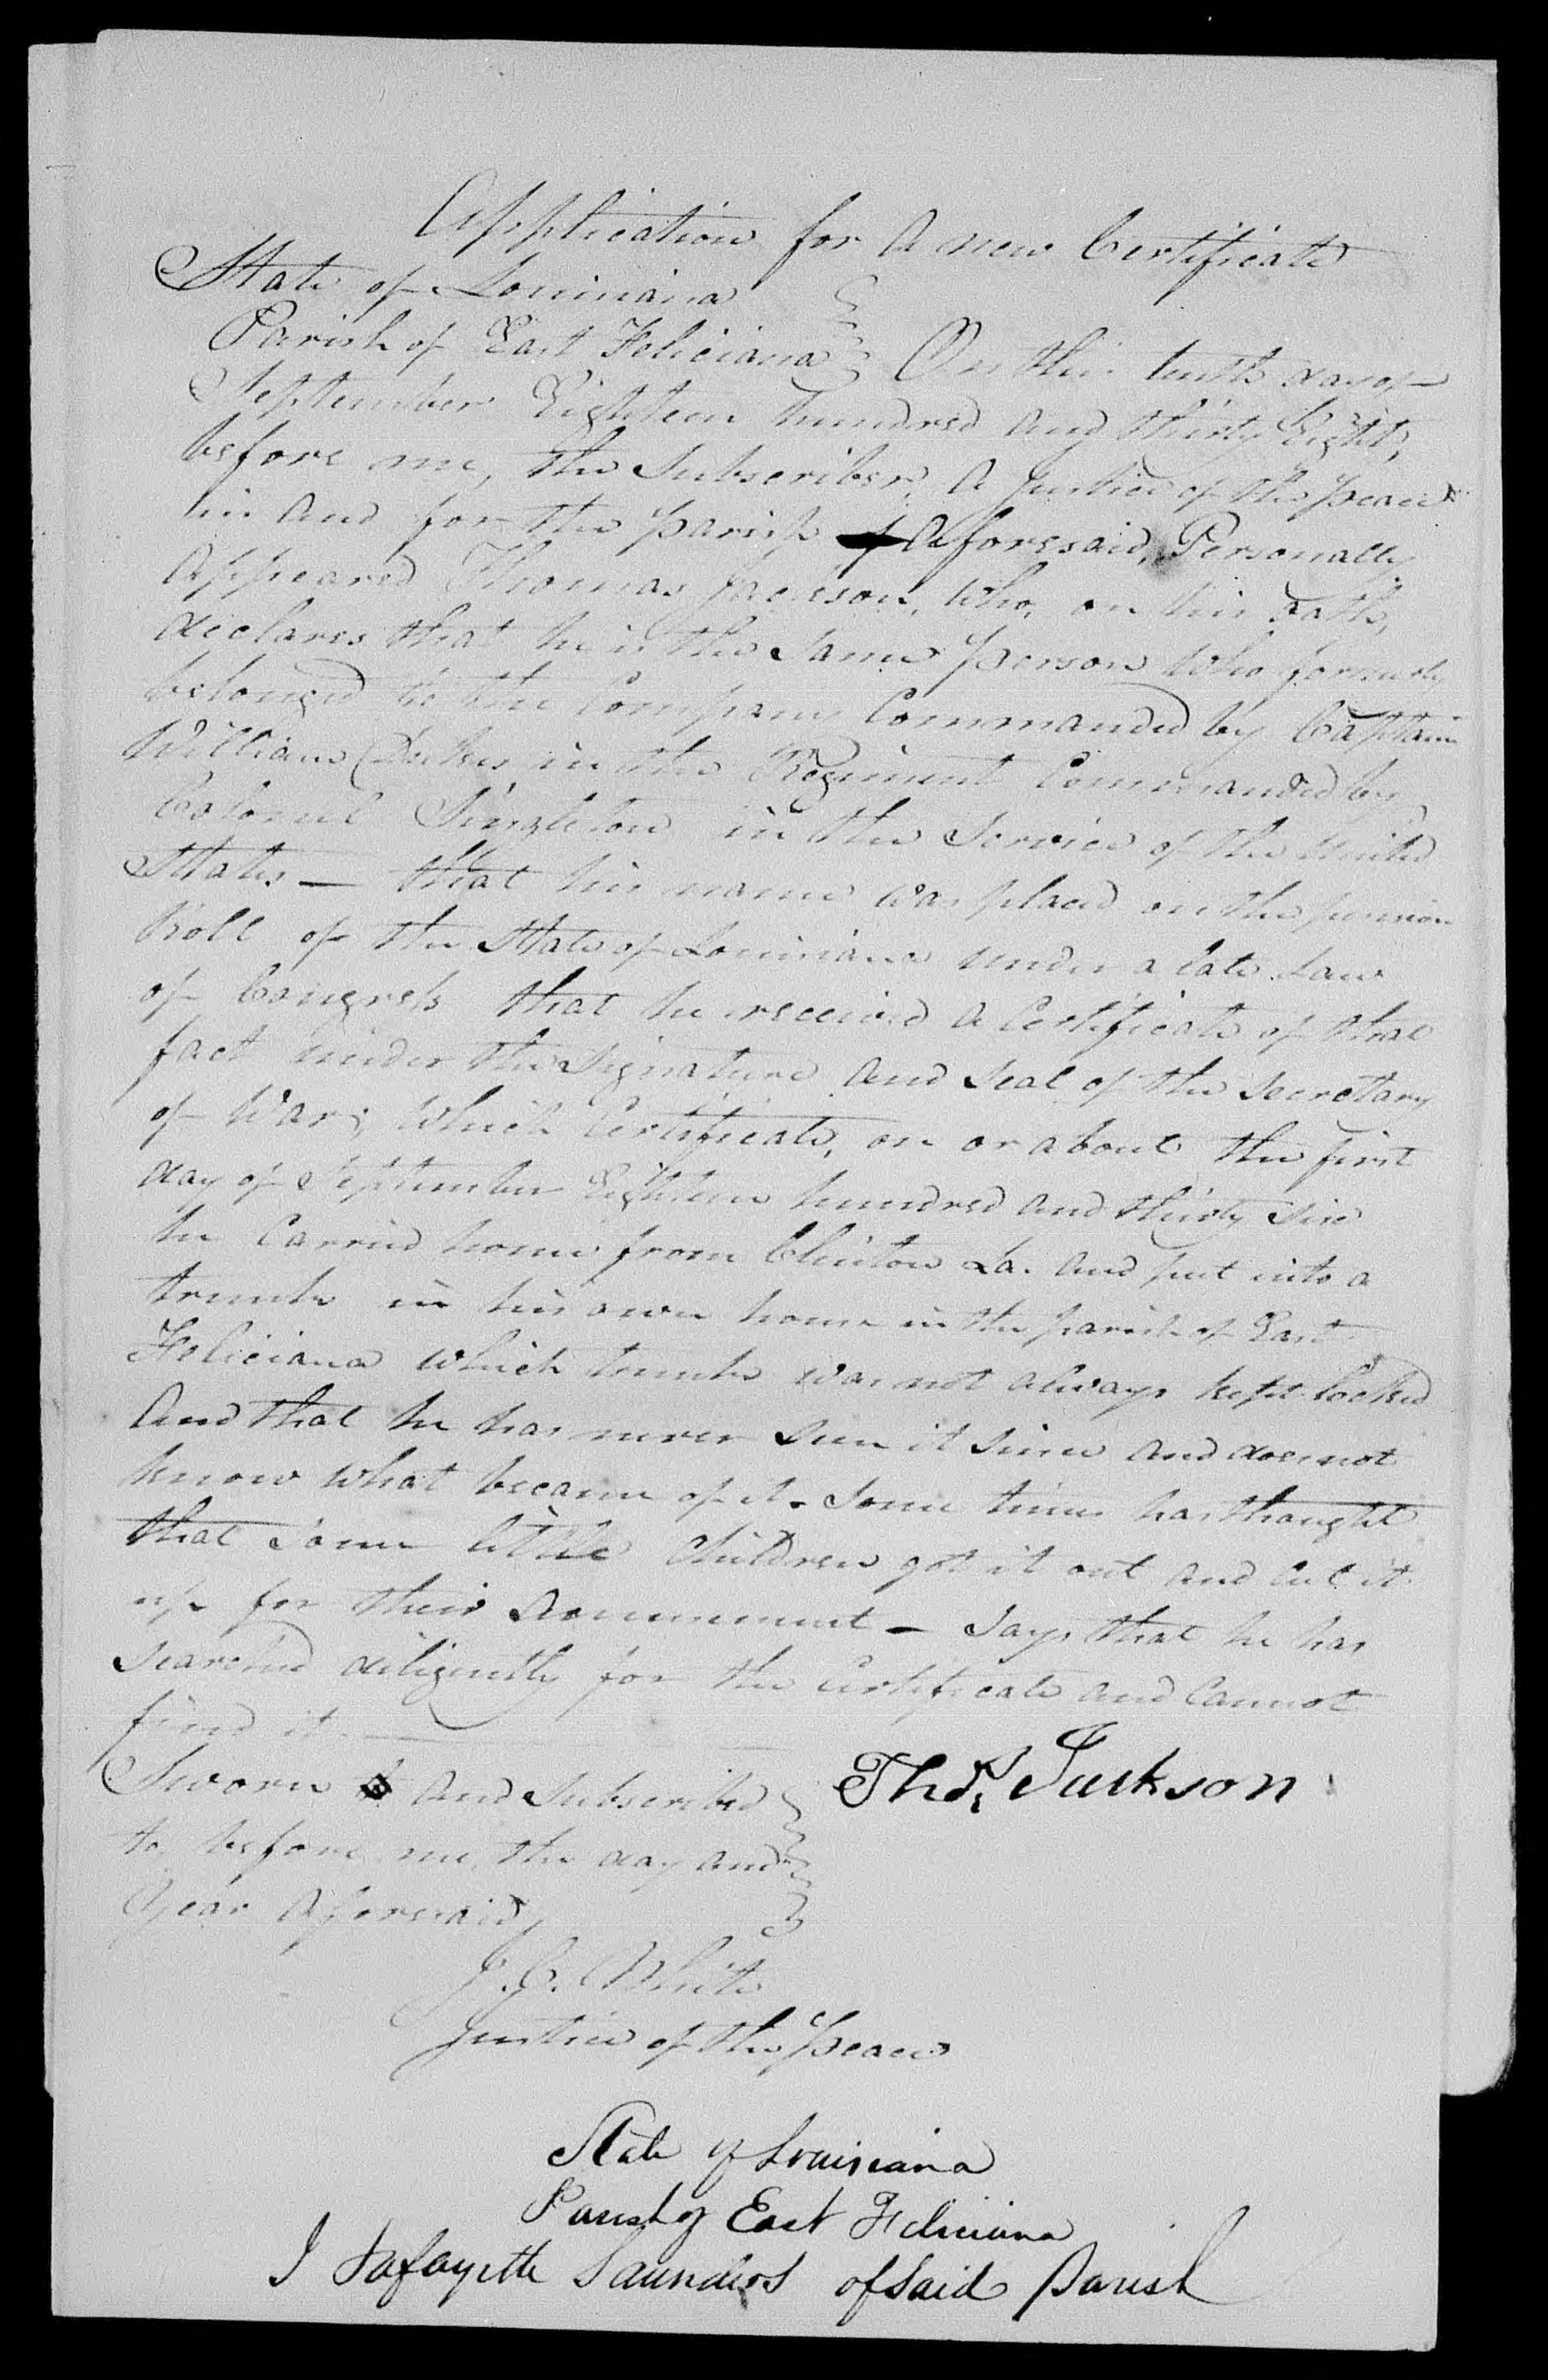Application for a new certificate
State of Louisiana
Parish of East Feliciana 
On the tenth day of September Eighteen hundred and thirty eight before me the Subscriber a Justice of the Peace in and for the parish aforesaid, personally appeared Thomas Jackson who on his oath declares that he is the same person who formerly belonged to the Company commanded by Capt William Dukes in the Regiment commanded by Colonel Singleton in the service of the United States - that his name, placed on the pension Roll of the State of Louisiana under a late law of Congress that he received a Certificate of the fact under the signature and seal of the Secretary of War which certificate, on or about the first day of September Eighteen hundred and thirty six he carried home from Clinton La. and put into a trunk in his own house in the parish of East
Feliciana which there was not always kept locked and that he has never seen it since and does not
know what became of it. Some time has thought that some little children got it out and cut it up 
for their entertainment -  says that he has Searched deligently for the certificate and cannot
find it
Thos Jackson [signature]

Sworn and Subscribed to before me the day and year aforesaid
J.C. White
Justice of the Peace

State of Louisiana
Parish East Feliciana
I Lafayette Saunders of said Parish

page: 41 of 54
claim: survivor's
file: S. 31166, for Thomas Jackson, South Carolina